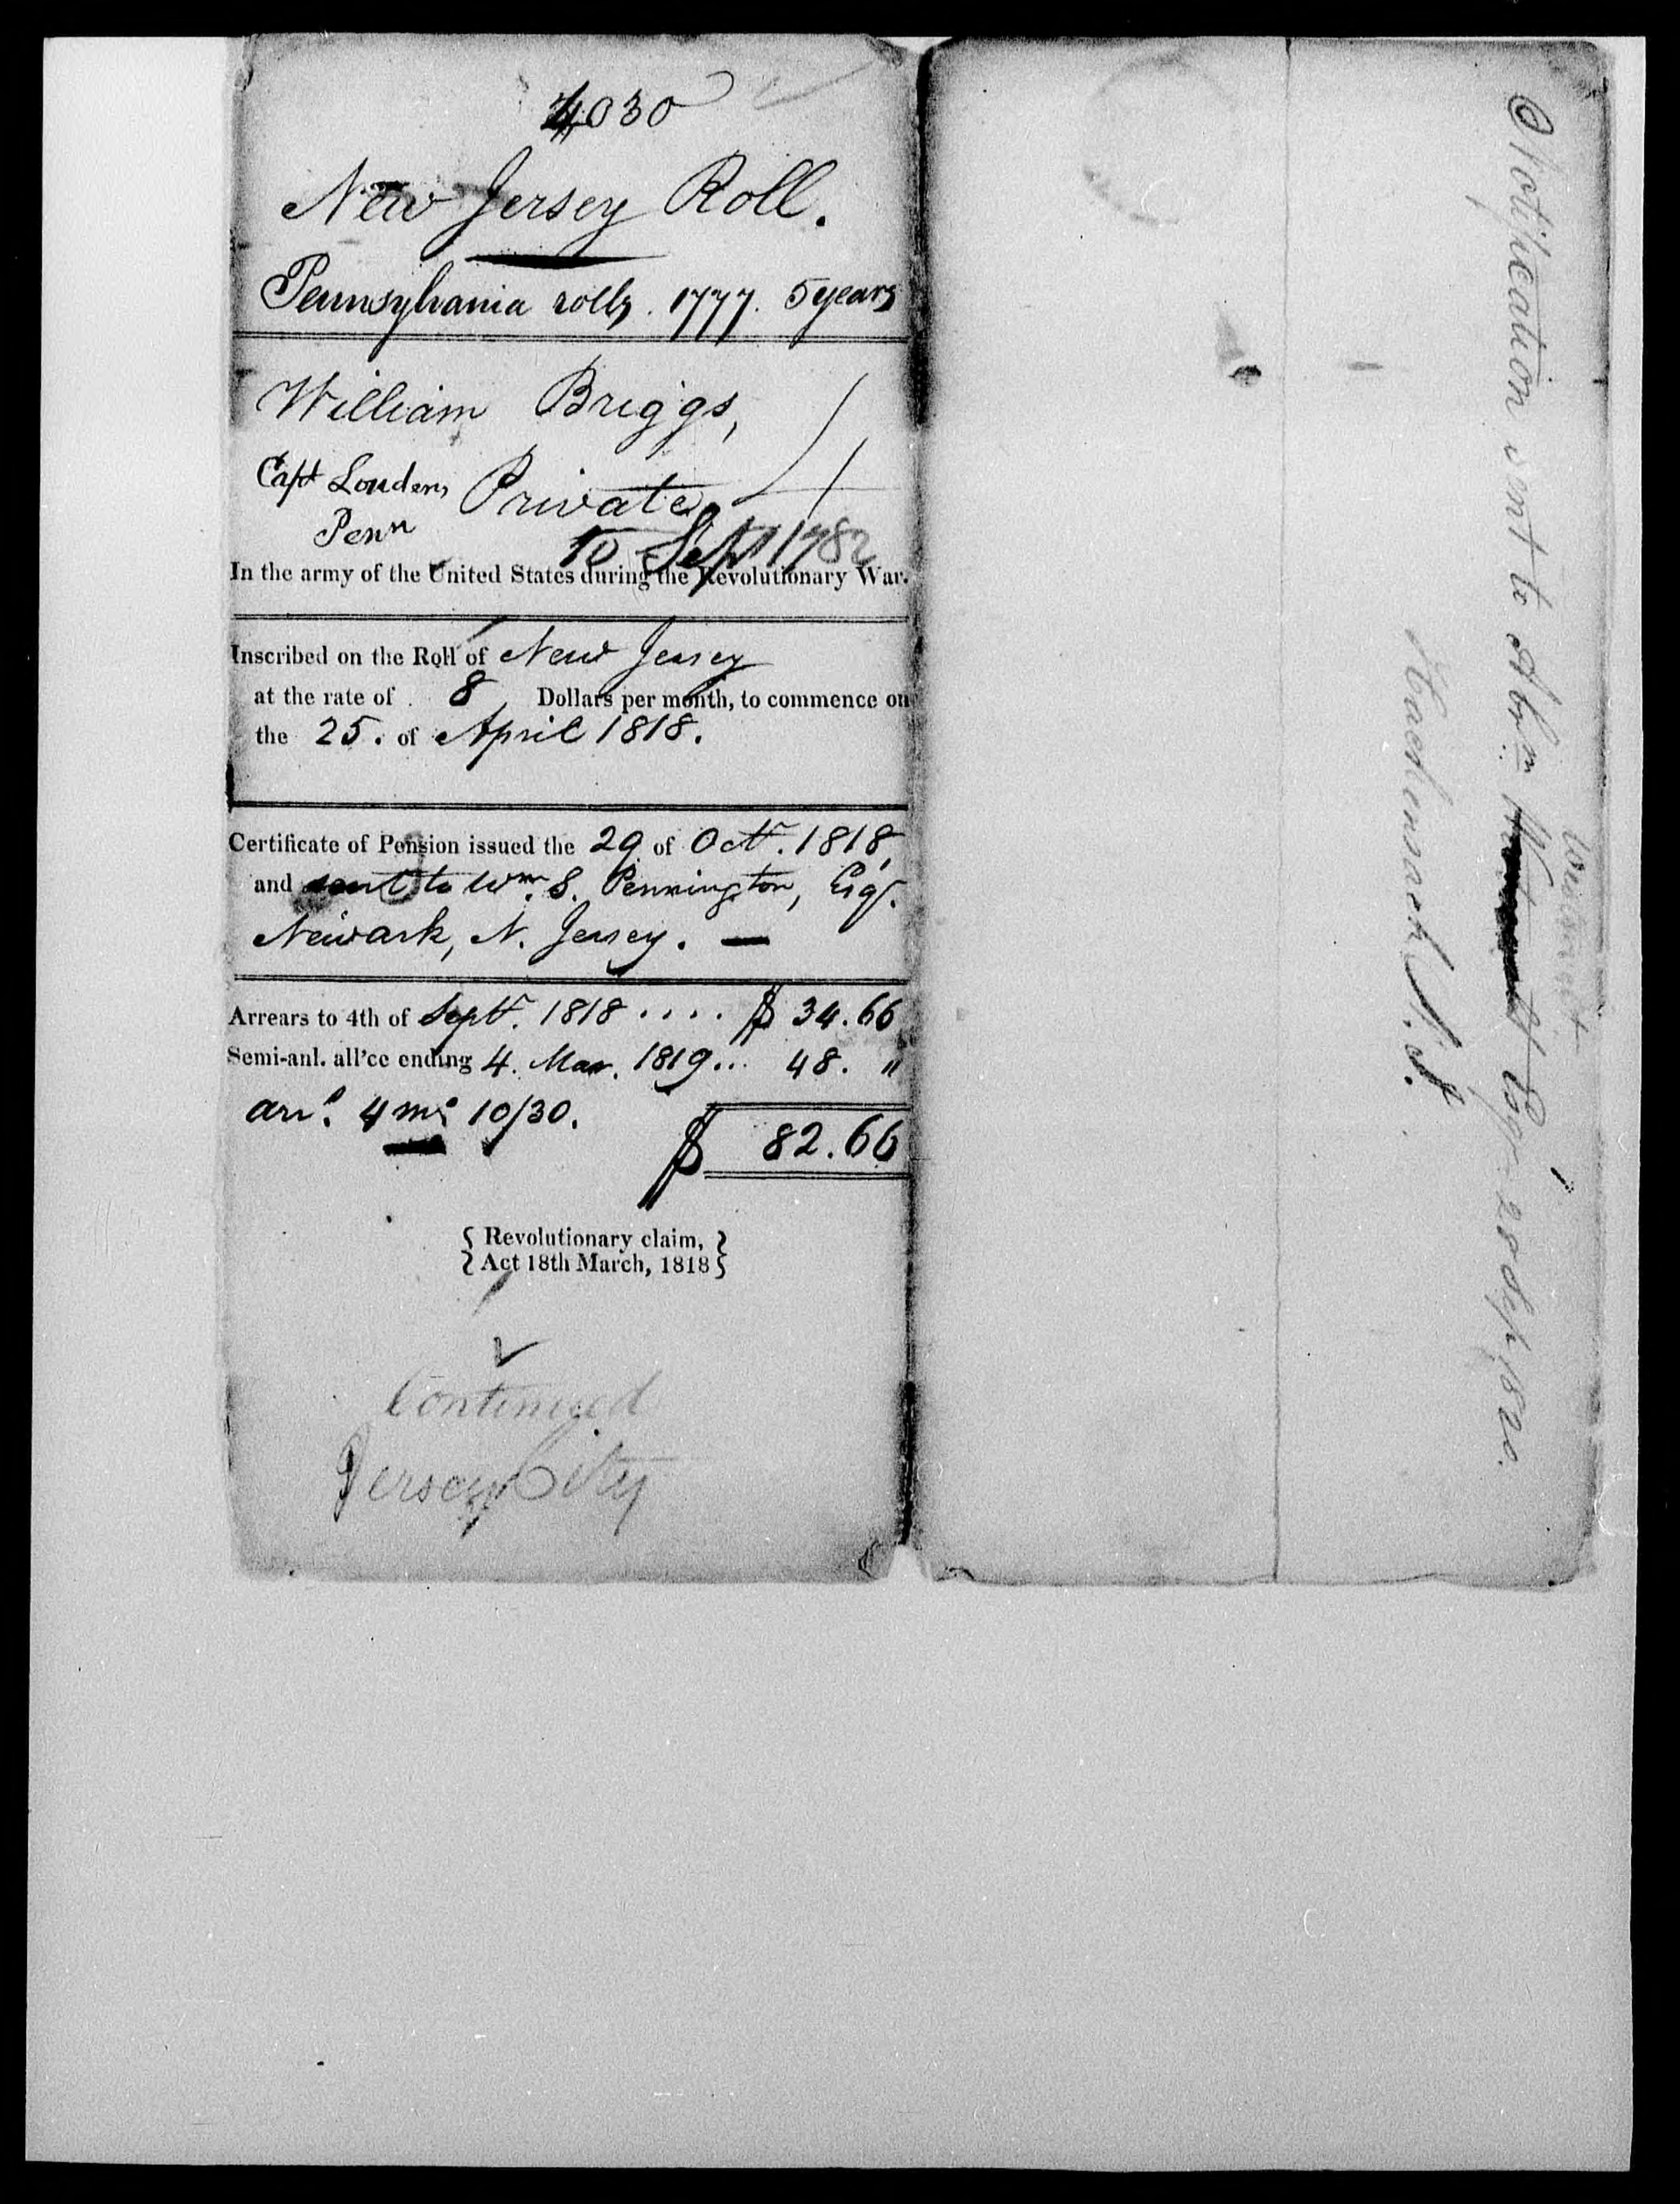4030
New Jersey Roll
Pennsylvania rolls 1777 5 years

William Briggs
Private
Capt. Loudon Penn
to Sept 1782
In the army of the United States during the Revolutionary War

Inscribed on the rolls of New Jersey at the rate of 8 dollars per month, to commence on the 25 of April 1818.

Certificate of Pension issued the 29 Oct 1818 and sent to Wm. S. Pennington, Esq. Newark, N. Jersey.

Arrears to 4th of Sept 1818              $34.66
Semi-anl. all'ce ending 4 Mar 1819    48.00
Ars. 4 mos. 10/30                              _______ 
                                                         $82.66

{Revolutionary claim,}
{Act 18th March 1818.}

Continued
Jersey City

Certification sent to Abr. Westervelt Esq. Hackensack, New Jersey.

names: Wm S Pennington, William Briggs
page: 2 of 9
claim: survivor's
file: S. 34,076, William Briggs, Penn.